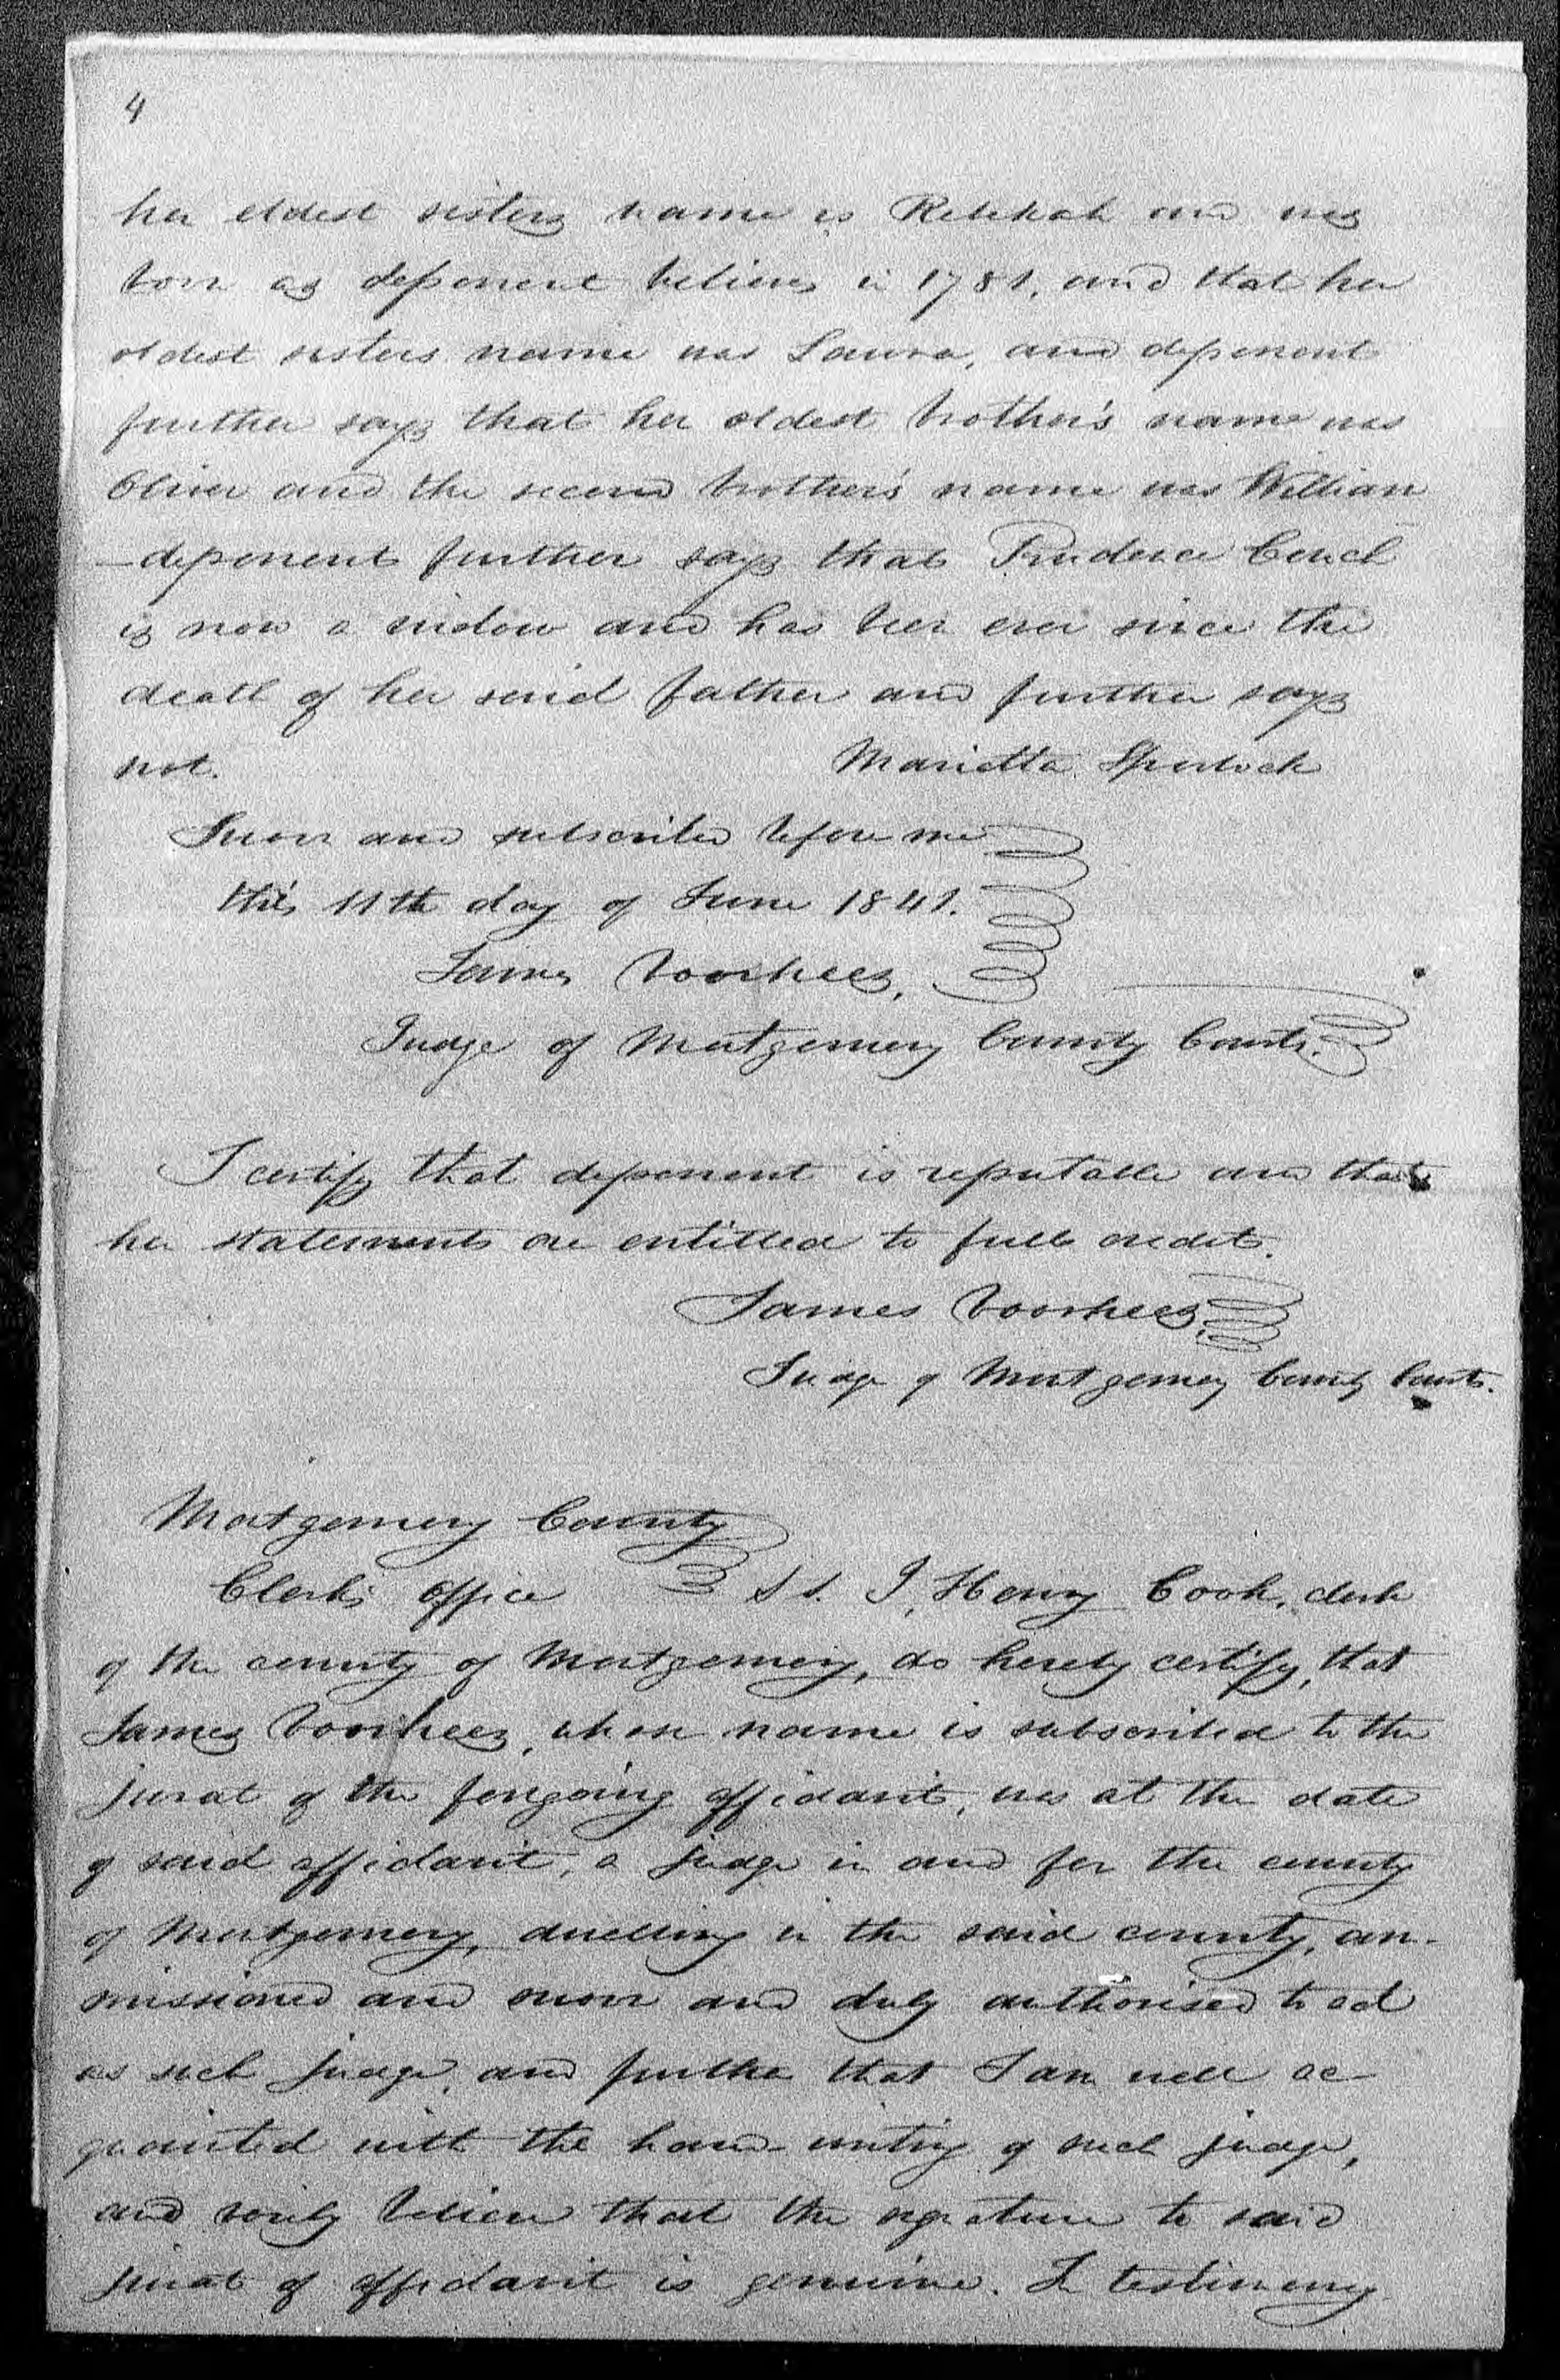her eldest sisters name is Rebekah and was born as deponent believes in 1781, and that her oldest sisters name was Laura, and deponent further says that her oldest brother's names was Oliver and the second brother's name was William. deponent further says that Prudence Couch is now a widow and has been ever since the death of her said father and further says not.
Marietta Sparlock
Sworn and subscribed before me this 11th day of June 1841.
James Voorhees
Judge f Montgomery County Courts

I certify that deponent is reputable and that her statements are entitled to full credit.
James Voorhees
Judge of Montgomery County Courts

Montgomery County Clerk's Office} ss. I, Henry Cook, clerk of the county of Montgomery, do hereby certify, that James Voorhees, whose name is subscribed to the jurat of the foregoing affidavit, was at the date of said affidavit, a judge in and for the county of Montgomery, dwelling in the said county, commissioned and sworn and duly authorized to act as such judge, and further that I am well acquainted with the hand writing if such judge,  and verily believe that the signature to said jurat of affidavit is genuine. In testimony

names: Prudence Couch, William, Henry Cook, Rebekah, James Voorhees, Oliver, Marietta Sperlock, James Voorhees, James Voorhees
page: 5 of 68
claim: rejected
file: R. 2,360, John Couch, Conn.